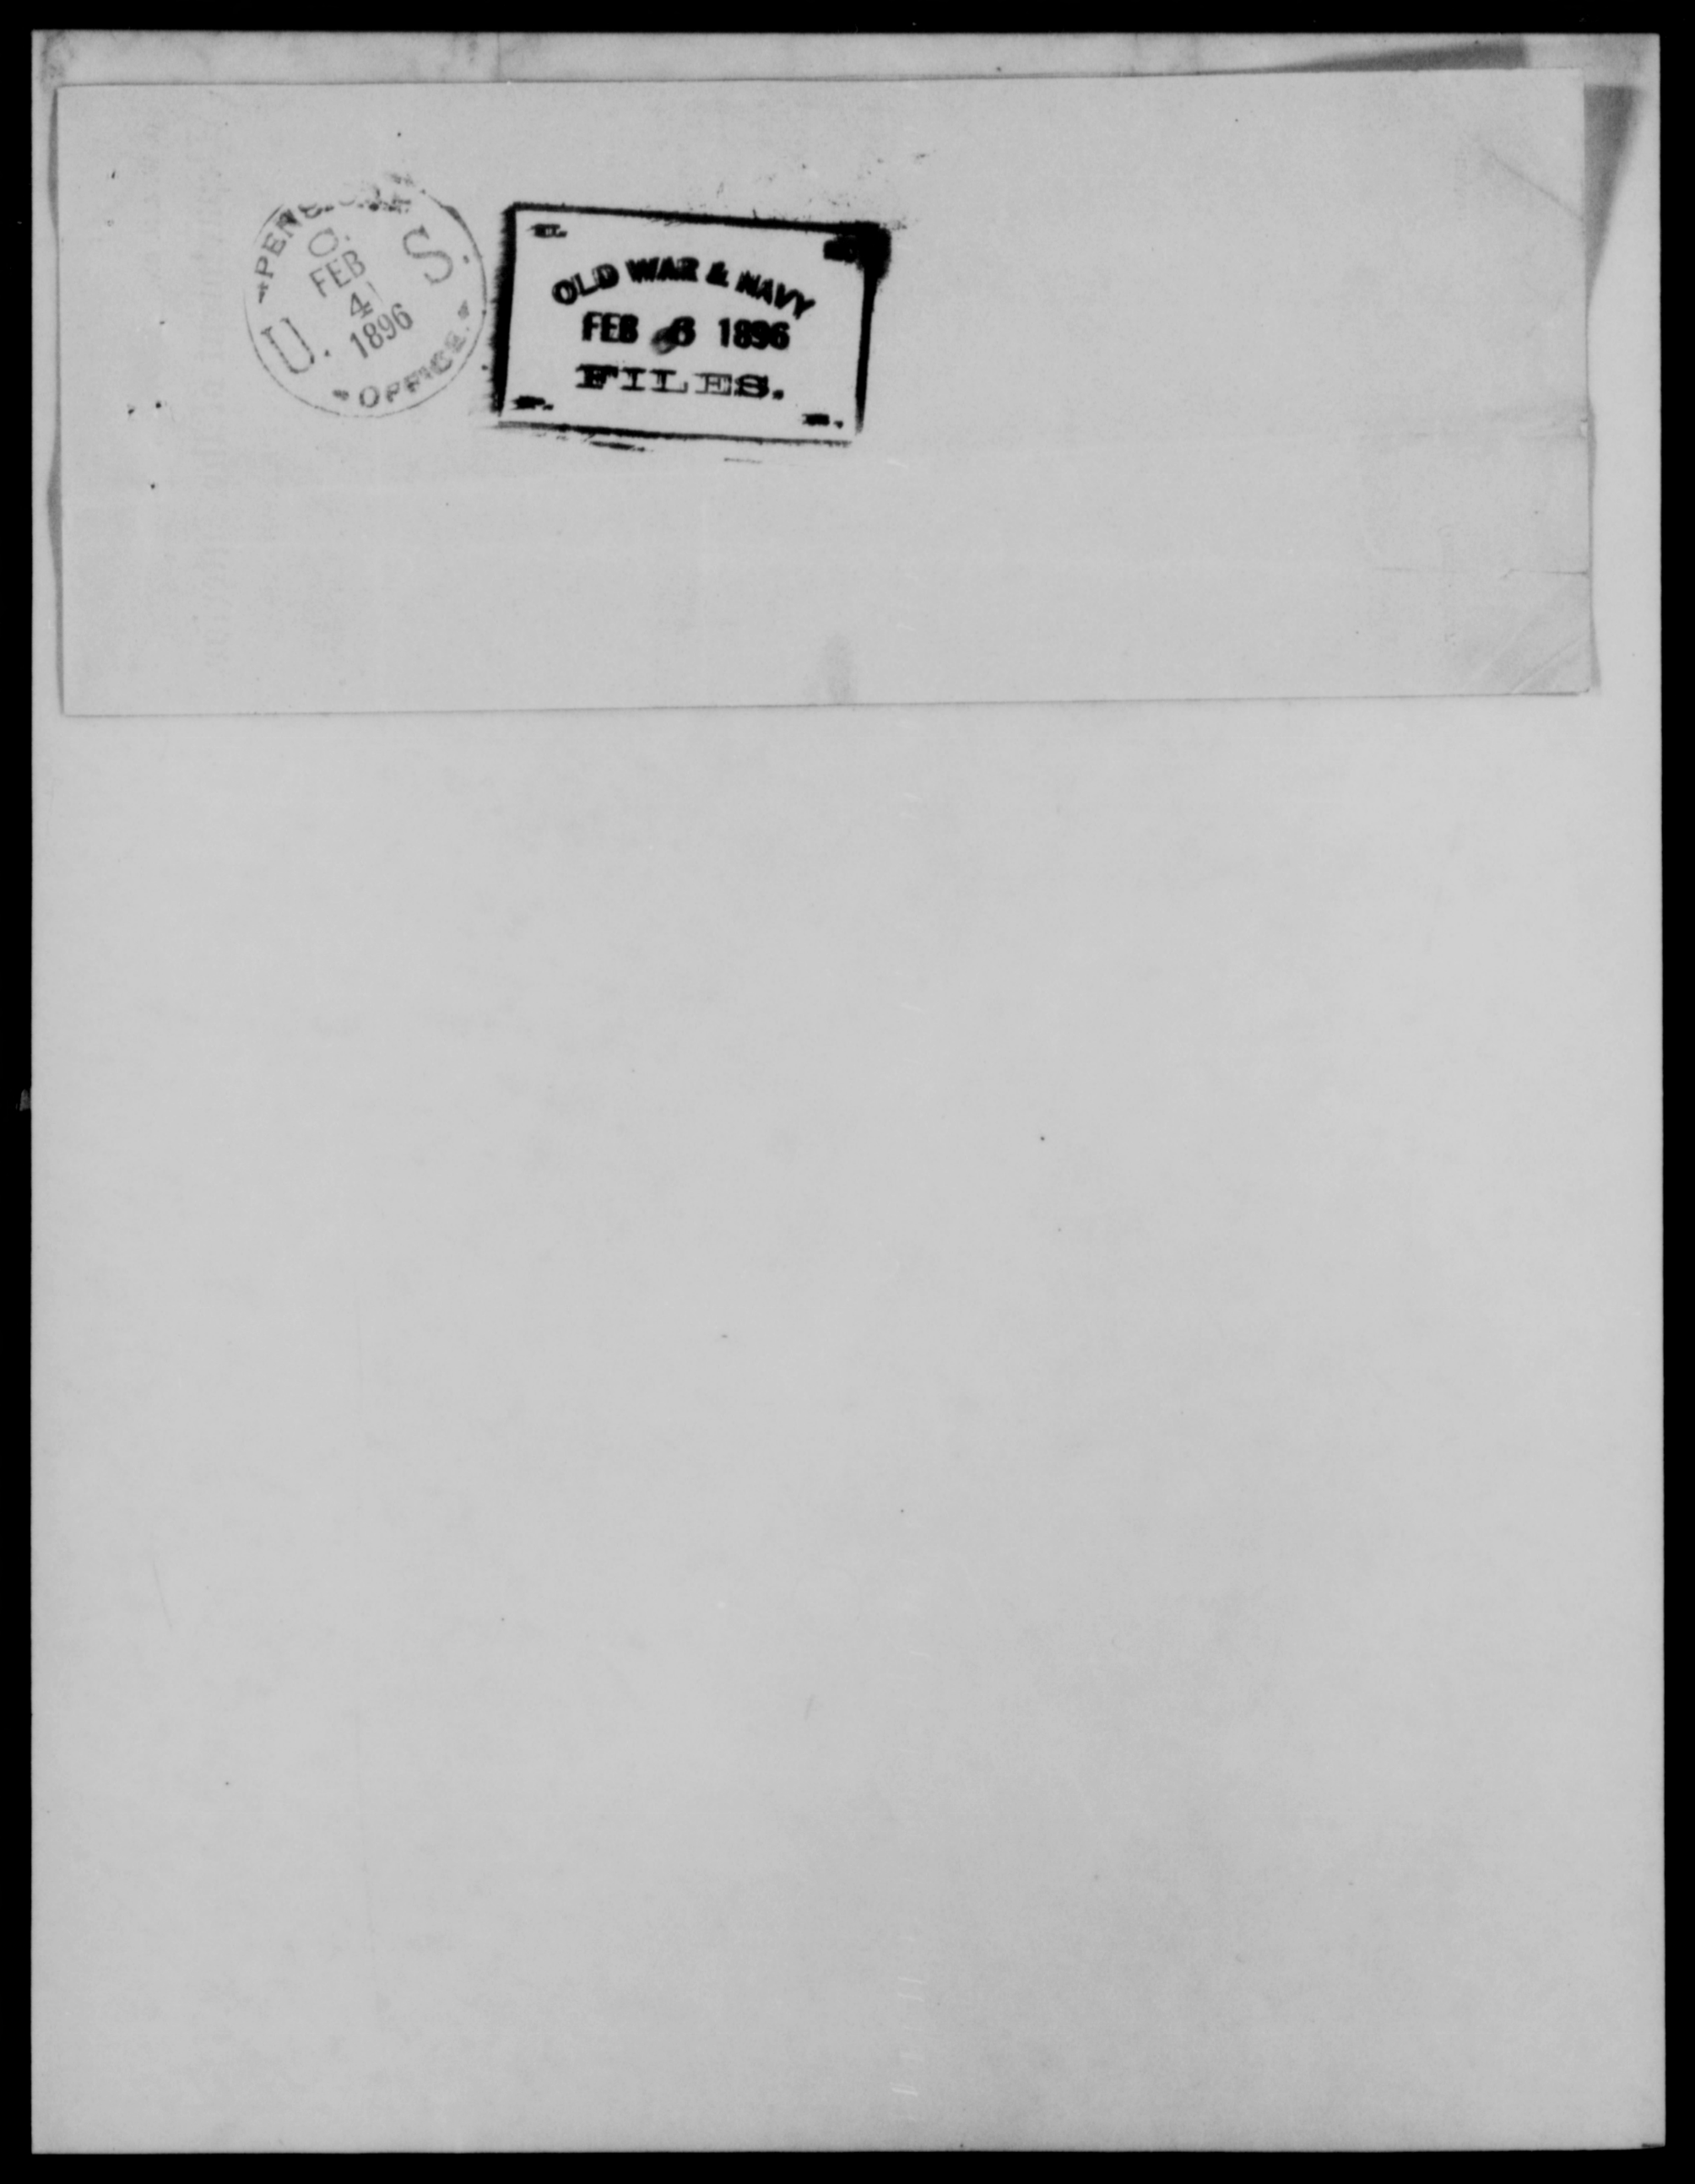(stamp): Pension Office U. S. Feb 4 1896

(stamp): Old War & Navy Files  Feb 6 1896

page: 47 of 63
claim: widow's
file: W. 22,632, David Williams, Conn. Continental Privateer